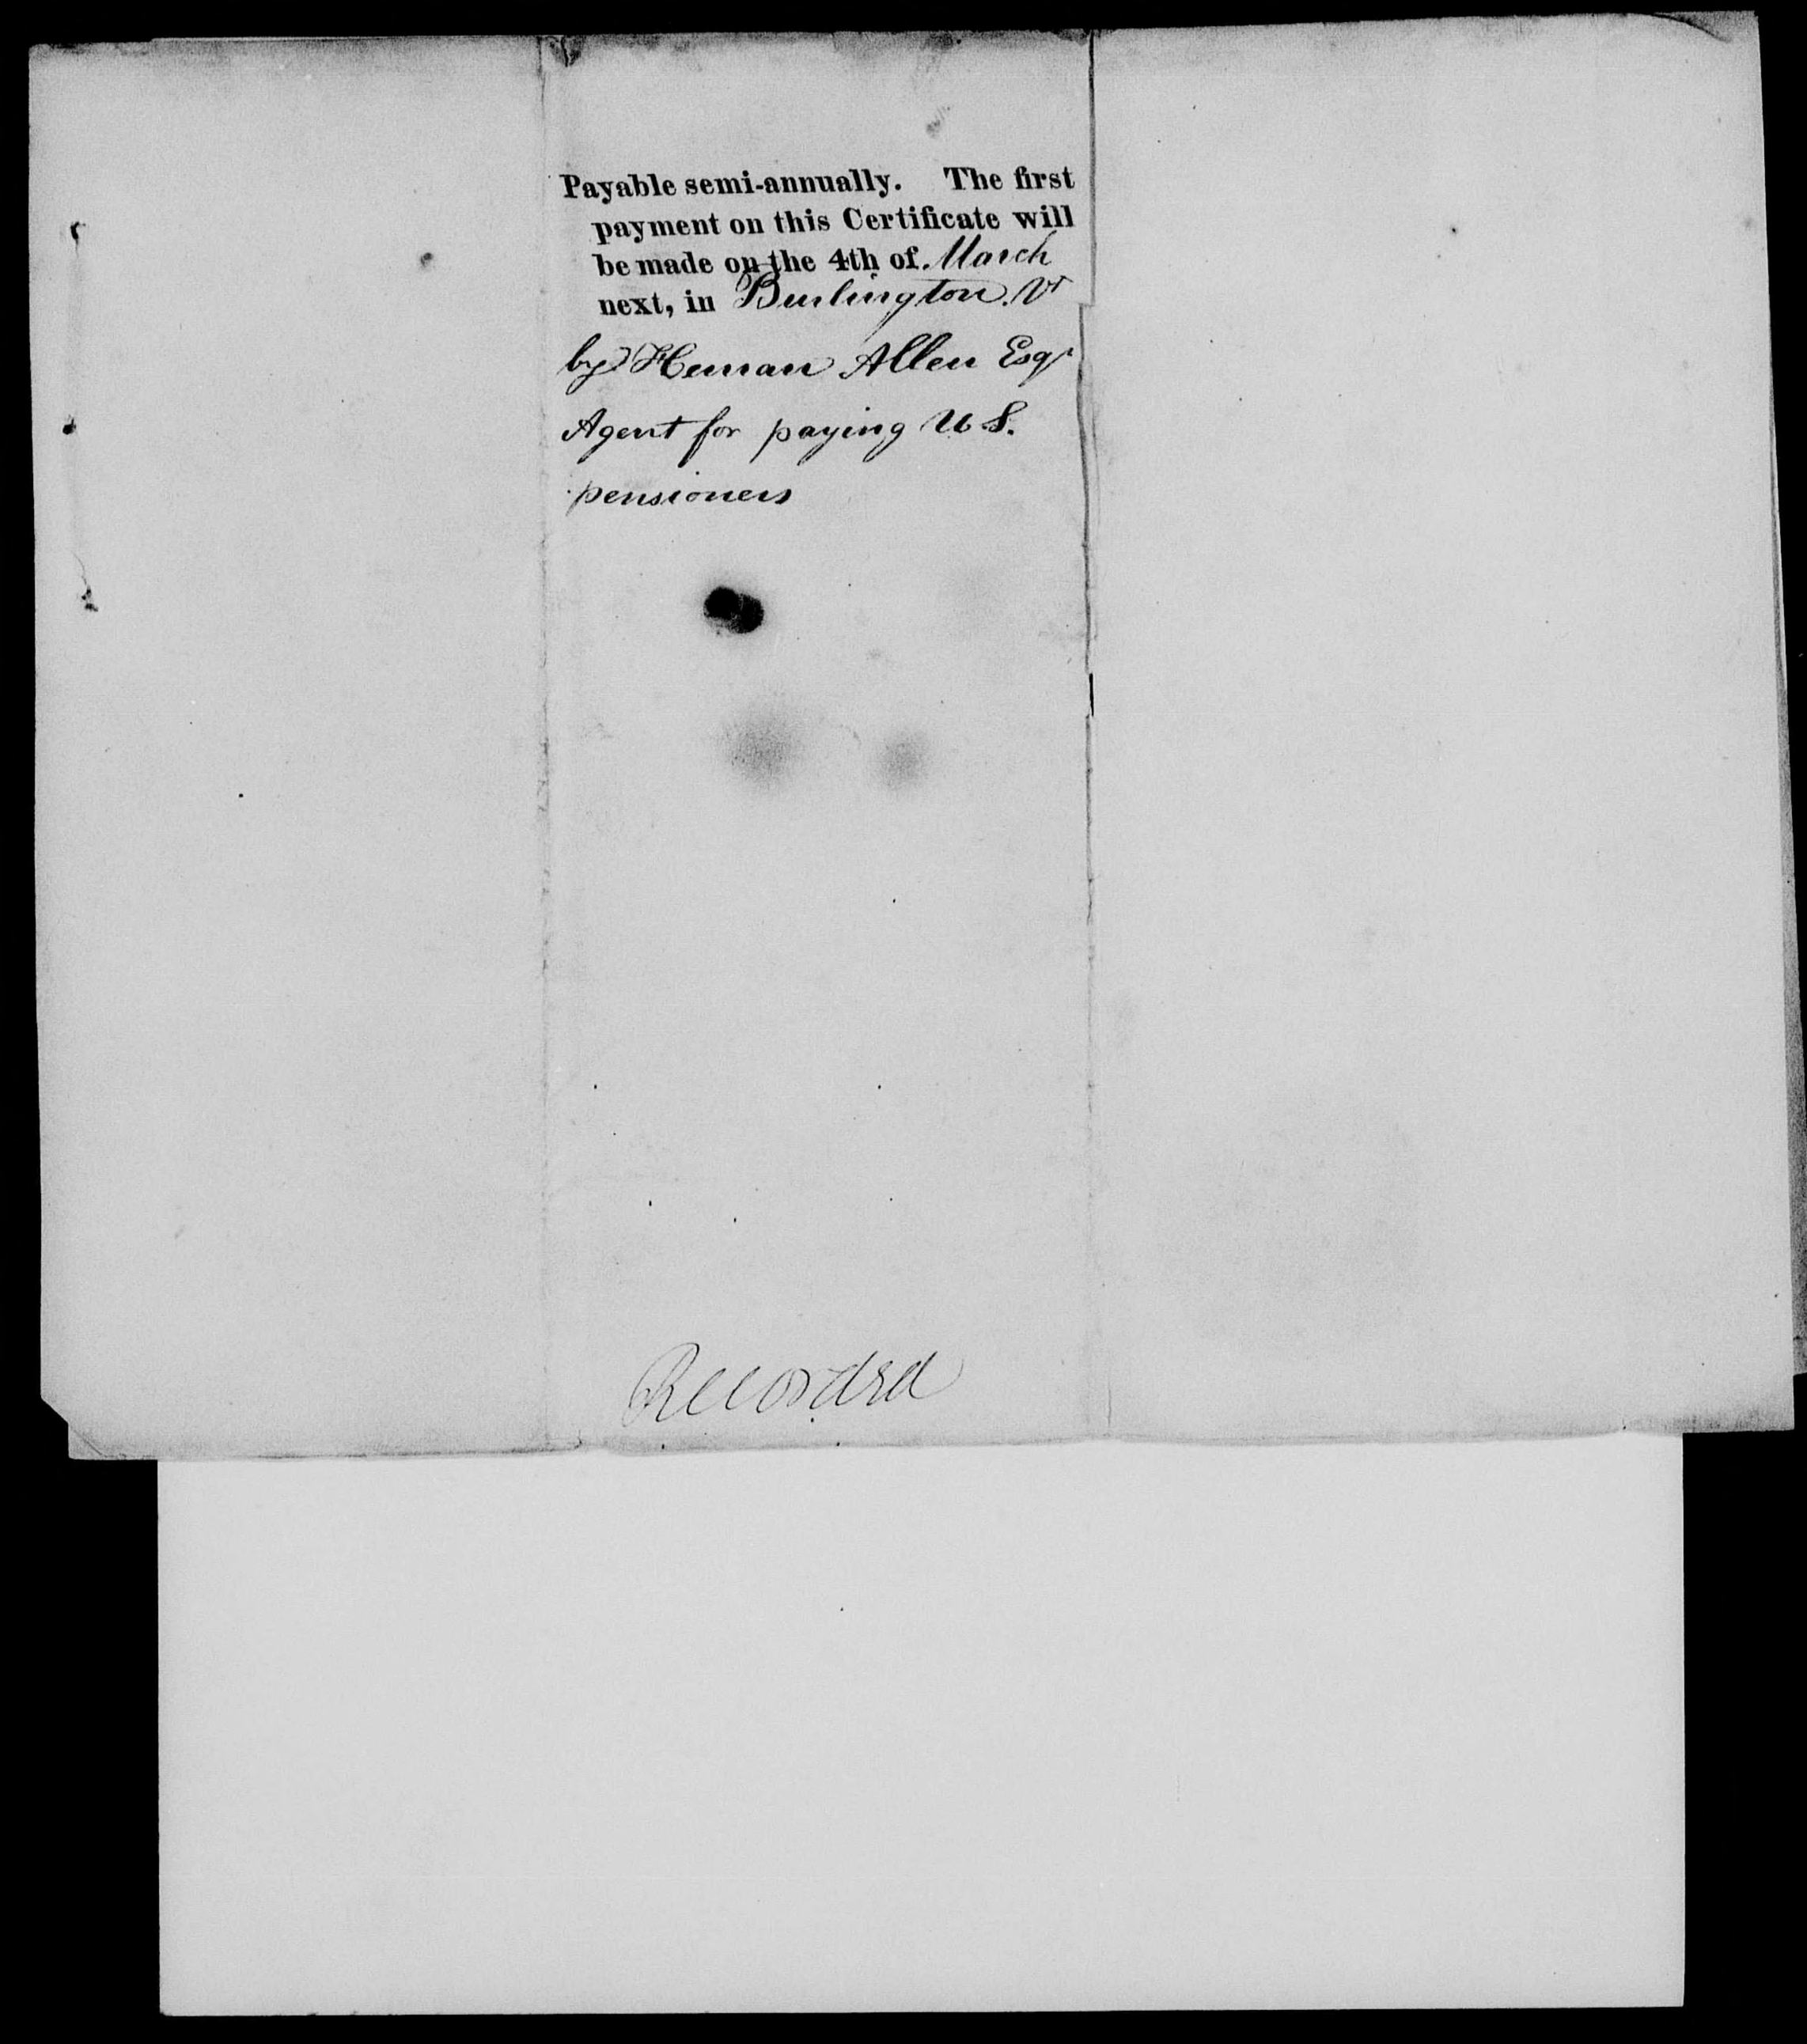Payable semi-annually. The first
payment on this Certificate will be
made on the 4th of March
next in Burlington Vt
by Herman Allen Esq
Agent for paying U.S.
Pensioners

Recorded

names: Heman Allen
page: 41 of 62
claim: widow's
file: W. 21391, Robert Holley, Conn.